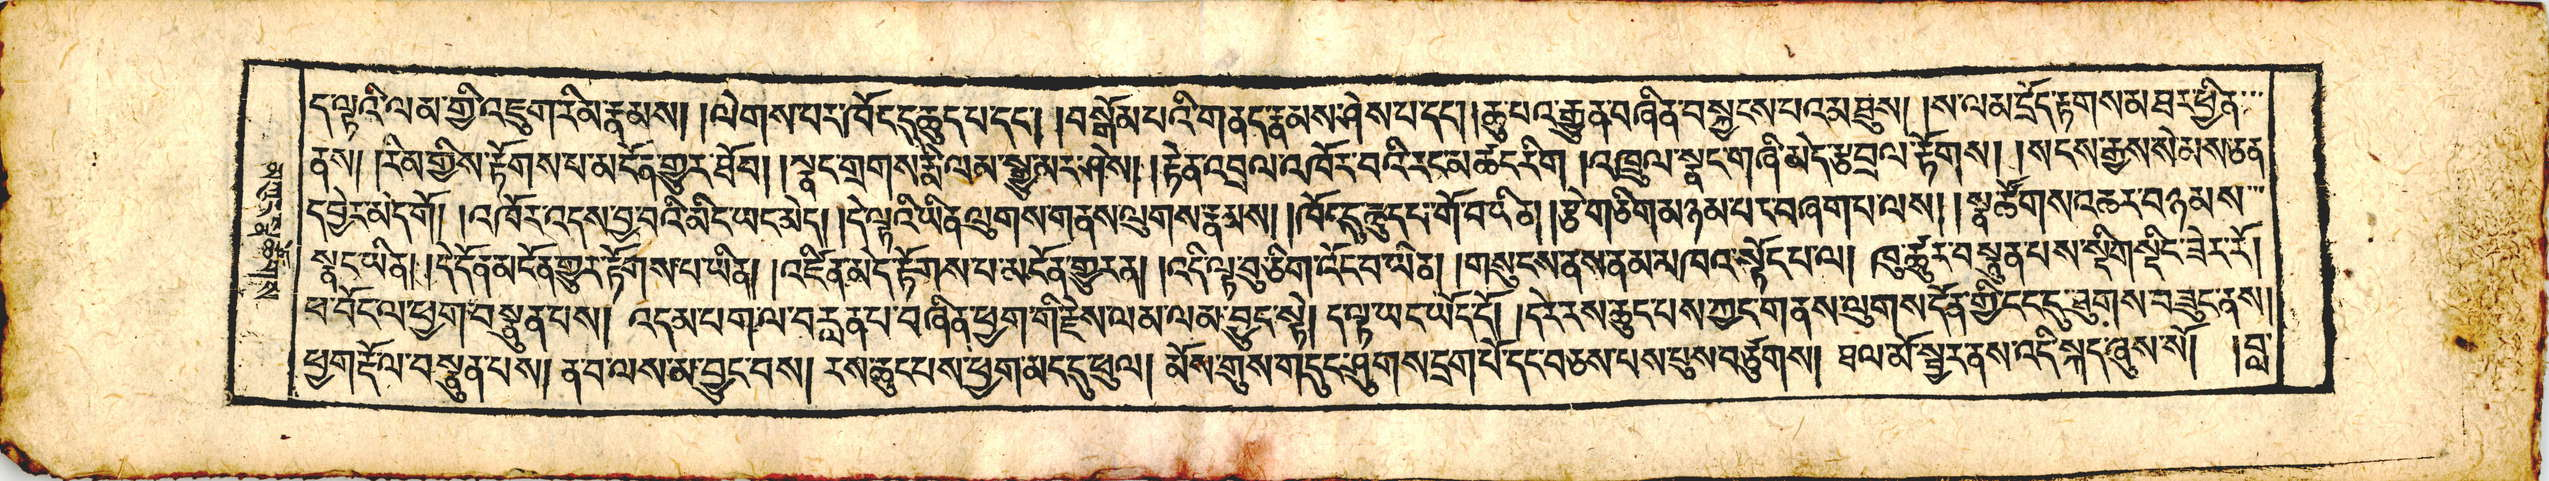ད་ལྟའི་ལམ་གྱི་འཇུག་རིམ་རྣམས། །ལེགས་པར་ཁོང་དུ་ཆུད་པ་དང་། །བསྒོམ་པའི་གནད་རྣམས་ཤེས་པ་དང། །ཆུ་བོའི་རྒྱུན་བཞིན་བསྐྱངས་པའི་མཐུས། །ས་ལམ་དྲོད་རྟགས་མཐར་ཕྱིན་
ནས། །རིམ་གྱིས་རྟོགས་པ་མངོན་གྱུར་ཐོབ། །སྣང་གྲགས་རྨི་ལམ་སྒྱུ་མར་ཤེས། །རྟེན་འབྲེལ་འཁོར་བའི་རང་མཚང་རིག །འཁྲུལ་སྣང་གཞི་མེད་རྩ་བྲལ་རྟོགས། །སངས་རྒྱས་སེམས་ཅན་
དབྱེར་མེད་གོ། །འཁོར་འདས་བྱ་བའི་མིང་ཡང་མེད། །དེ་ལྟའི་ཡིན་ལུགས་གནས་ལུགས་རྣམས། ཁོང་ཆུད་པ་གོ་ཡིན། །རྩེ་གཅིག་མཉམ་པར་བཞག་པ་ལས། །སྣ་ཚོགས་འཆར་བ་ཉམས་
སྣང་ཡིན། །དེ་དོན་མངོན་གྱུར་རྟོགས་པ་ཡིན། །འཛིན་མེད་རྟོགས་པ་མངོན་གྱུར་ན། །འདི་ལྟ་བུ་ཅིག་འོང་བ་ཡིན། །གསུངས་ནས་ནམ་མཁའ་སྟོང་པ་ལ། ཁུ་ཚུར་བསྣུན་པས་སྡིག་སྡིང་ཟེར་རོ། །
ཕ་བོང་ལ་ཕྱག་བསྣུན་པས། འདམ་པག་ལ་བརླན་པ་བཞིན་ཕྱག་གི་རྗེས་ལམ་ལམ་བྱུང་སྟེ། ད་ལྟ་ཡང་ཡོད་དོ། །དེར་རས་ཆུང་པས་ཀྱང་གནས་ལུགས་དོན་གྱི་ངང་དུ་ཐུགས་བཟུང་ནས་
ཕྱག་རྡོ་ལ་བསྣུན་པས། ན་བ་ལས་མ་བྱུང་བས། རས་ཆུང་པས་ཕྱག་མང་དུ་ཕུལ། མོས་གུས་གདུང་ཤུགས་དྲག་པོ་དང་བཅས་པས་པུས་བཙུགས། ཐལ་མོ་སྦྱར་ནས་འདི་སྐད་ཞུས་སོ། །བླ་